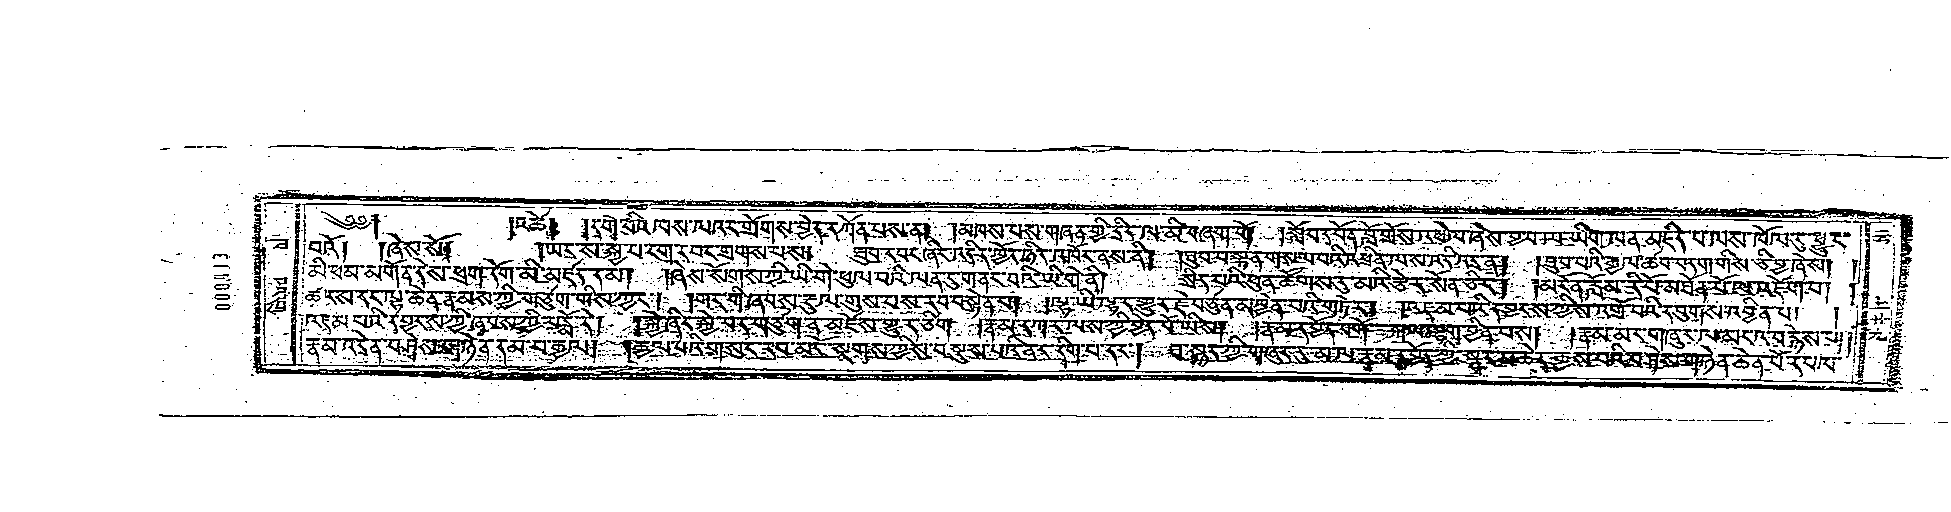༄༅། །འཚེ། །དགེ་བའི་ཁས་ལའང་གྲོགས་བྱེད་དཀོན་པས་ན། །མཁས་པས་གཞན་གྱི་དྲིང་ལ་མི་བཞག་གོ། །སློབ་དཔོན་བློ་གྲོས་འཕེལ་ཞེས་བྱ་བ་ལ་ཡིག་ལན་མཇིད་པ་ལས་ཁོལ་དུ་ཕྱུང་
བའོ། །ཞེས་སོ། །ཡང་ས་སྐྱ་པ་ངག་དབང་གྲགས་པས། ཐུབ་དབང་ཞིང་འདིར་ཁྱོད་ཉིད་འཁོར་ནས་ནི། །ཐུབ་བསྟན་གསལ་བའི་འཕྲིན་ལས་འདི་འདྲ་ན། །བྲུབ་པའི་རྒྱལ་ཚབ་བདག་གིས་ཅི་བྱ་ཞེས། །
མི་ཕམ་མགོན་དེས་ཕྲག་དོག་མི་མཛད་དམ། །ཞེས་སོགས་ཀྱི་ཡི་གེ་ཕུལ་བའི་ལན་དུ་གནང་བའི་ཡི་གེ་ནི། སྲིད་པའི་ཕུན་ཚོགས་དུ་མའི་རྩེར་སོན་ཅིར། །མངོན་རློམ་རི་པོ་མཐོན་པོ་ལ་འཛེག་པ། །
ཚངས་དང་ལྟ་ཆེན་རྣམས་ཀྱི་གཙུག་གིས་ཀྱང་། །གང་གི་ཞབས་རྡུལ་གུས་པས་རབ་བསྟེན་པ། །ལྷ་ཡི་ལྟད་གྱུར་རྗེ་བཙུན་མཁྱེན་པའི་གཏེར། །འཇམ་པའི་དབྱངས་ཀྱིས་འགྲོ་བའི་དབུགས་འབྱིན་པ། །
འཇམ་པའི་དབྱངས་ཀྱི་ཞབས་ཀྱི་པདམོ་དེ། །སྐྱེ་ཞིང་སྐྱེ་བར་གཙུག་ན་མཛེས་གྱུར་ཅིག །རྣམ་དཀར་ལས་ཀྱི་བྱེད་པོ་ཡིས། །རྣམ་དཔྱོད་བགོ་སྐལ་ལྷག་བྱིན་པས། །རྣམ་མང་གཞུང་ལ་མངའ་བརྙེས་པ། །
རྣམ་འདྲེན་བཤེས་གཉེན་དམ་པ་རྒྱལ། །རྒྱལ་བའི་གསུང་རབ་མདོ་སྔགས་ཀྱིས་བསྡུས་པའི་ནང་རིག་པ་དང་། ཐ་སྙད་ཀྱི་གཞུང་དུ་མ་ལ་རྣམ་དཔྱོད་ཀྱི་སྣང་བ་ཆེར་རྒྱས་པའི་བཤེས་གཉེན་ཆེན་པོ་རབ་ལ་